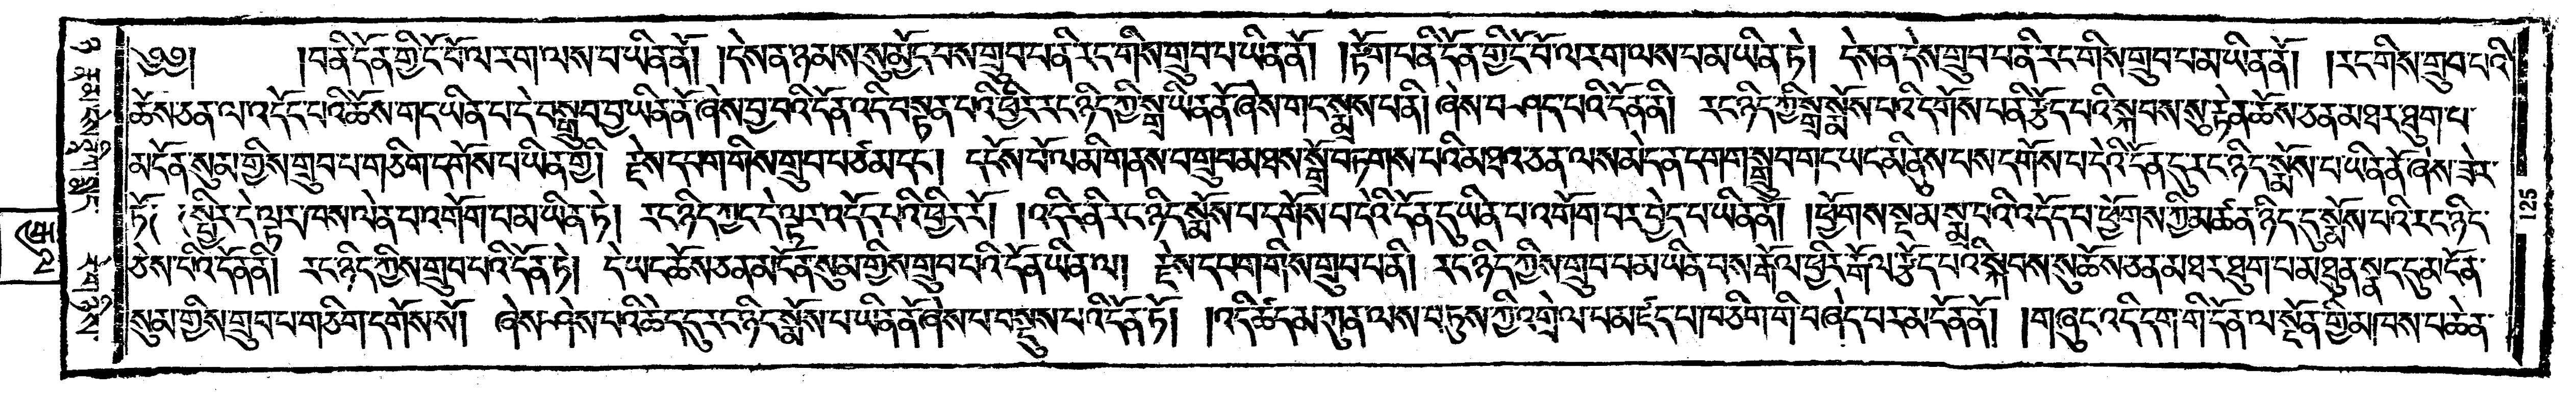༄༅། །བ་ནི་དོན་གྱི་ངོ་བོ་ལ་རག་ལས་བ་ཡིན་ནོ། །དེས་ན་ཉམས་སུ་མྱོང་བས་གྲུབ་པ་ནི་རང་གིས་གྲུབ་པ་ཡིན་ནོ། །རྟོག་པ་ནི་དོན་གྱི་ངོ་བོ་ལ་རག་ལས་པ་མ་ཡིན་ཏེ། དེས་ན་དེས་གྲུབ་པ་ནི་རང་གིས་གྲུབ་པ་མ་ཡིན་ནོ། །རང་གིས་གྲུབ་པའི་
ཆོས་ཅན་ལ་འདོད་པའི་ཆོས་གང་ཡིན་པ་དེ་བསྒྲུབ་བྱ་ཡིན་ནོ་ཞེས་བྱ་བའི་དོན་འདི་བསྟན་པའི་ཕྱིར་རང་ཉིད་ཀྱི་སྒྲ་ཡིན་ནོ་ཞེས་གང་སྨྲས་པ་ནི། ཞེས་བཤད་པའི་དོན་ནི། རང་ཉིད་ཀྱི་སྒྲ་སྨོས་པའི་དགོས་པ་ནི་རྩོད་པའི་སྐབས་སུ་རྟེན་ཆོས་ཅན་མཐར་ཐུག་པ་
མངོན་སུམ་གྱིས་གྲུབ་པ་གཅིག་དགོས་པ་ཡིན་གྱི། རྗེས་དཔག་གིས་གྲུབ་པ་ཙམ་དང་། དངོས་པོ་ལ་མི་གནས་པ་གྲུབ་མཐས་སྒྲོ་བཏགས་པའི་མཐའ་ཅན་ལས་མེད་ན་དགག་སྒྲུབ་གང་ཡང་མི་ནུས་པས་དགོས་པ་དེའི་དོན་དུ་རང་ཉིད་སྨོས་པ་ཡིན་ནོ་ཞེས་ཟེར་
ཏོ༑ ༑སྤྱིར་དེ་ལྟར་ཁས་ལེན་པ་འགོག་པ་མ་ཡིན་ཏེ། རང་ཉིད་ཀྱང་དེ་ལྟར་འདོད་པའི་ཕྱིར་རོ། །འདིར་ནི་རང་ཉིད་སྨོས་པ་དགོས་པ་དེའི་དོན་དུ་ཡིན་པ་འགོག་པར་བྱེད་པ་ཡིན་ནོ། །ཕྱོགས་སྔ་མ་སྨྲ་བའི་འདོད་པ་ཕྱོགས་ཀྱི་མཚན་ཉིད་དུ་སྨོས་པའི་རང་ཉིད་
ཅེས་པའི་དོན་ནི། རང་ཉིད་ཀྱིས་གྲུབ་པའི་དོན་ཏེ། དེ་ཡང་ཆོས་ཅན་མངོན་སུམ་གྱིས་གྲུབ་པའི་དོན་ཡིན་ལ། རྗེས་དཔག་གིས་གྲུབ་པ་ནི། རང་ཉིད་ཀྱིས་གྲུབ་པ་མ་ཡིན་པས་རྒོལ་ཕྱིར་རྒོལ་རྩོད་པའི་སྐབས་སུ་ཆོས་ཅན་མཐར་ཐུག་པ་མཐུན་སྣང་དུ་མངོན་
སུམ་གྱིས་གྲུབ་པ་གཅིག་དགོས་སོ། ཞེས་ཤེས་པའི་ཆེད་དུ་རང་ཉིད་སྨོས་པ་ཡིན་ནོ་ཞེས་པ་བསྡུས་པའི་དོན་ཏོ། །འདི་ཚད་མ་ཀུན་ལས་བཏུས་ཀྱི་འགྲེལ་པ་མཛད་པ་ཁ་ཅིག་གི་བཞེད་པར་མངོན་ནོ། །གཞུང་འདི་དག་གི་དོན་ལ་སྔོན་གྱི་མཁས་པ་ཆེན་